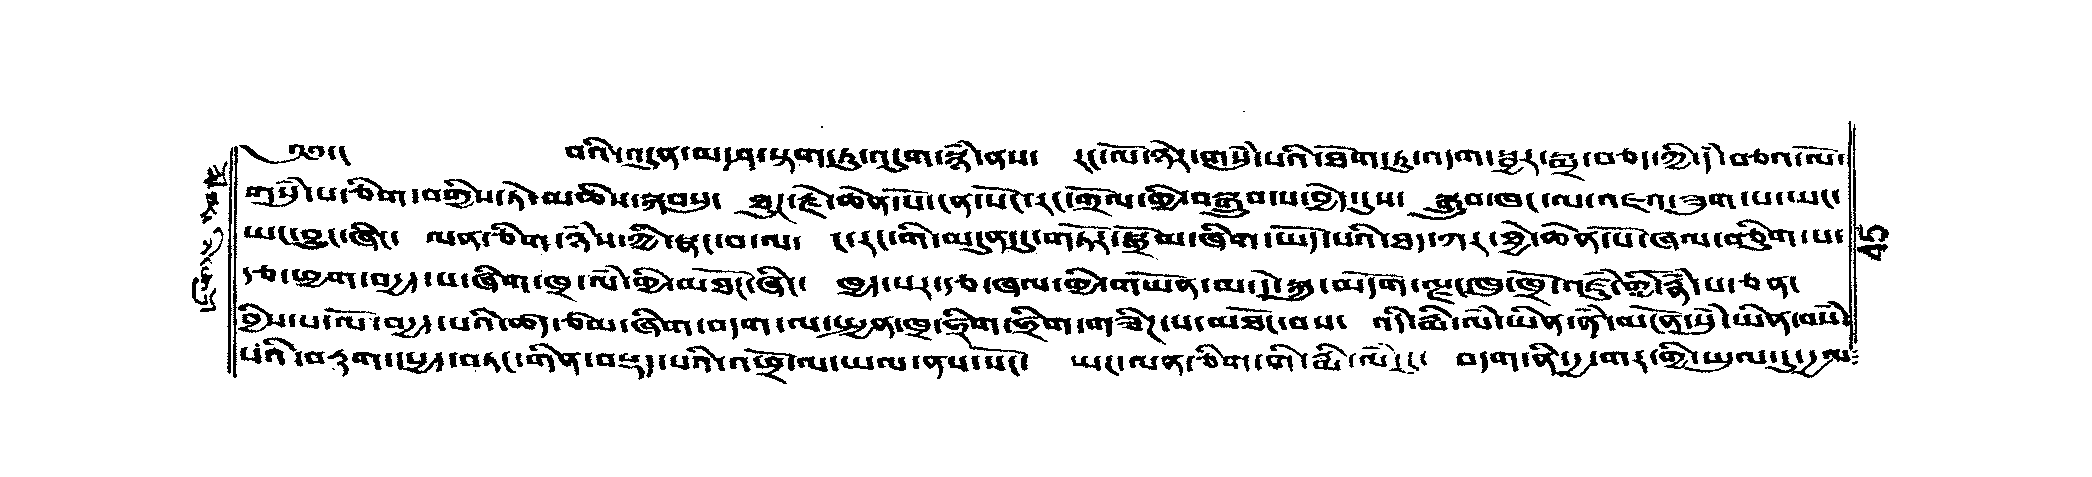བའི་འདུན་མ་ཤ་སྟག་ཏུ་འདུག་སྙམ་ནས། རང་ལོ་ཉེར་གསུམ་པའི་ཐོག་ཏུ་འདག་སྦྱར་སྨྲ་བཅད་ཀྱི་དམ་བཅའ་ལོ་
གསུམ་པ་གཅིག་བགྱིས་ཏེ་མཆིས་སྐབས་སུ།ཐུགས་རྗེ་ཆེན་པོ་ངན་སོང་རང་གྲོལ་གྱི་སྒྲུབ་པ་བྱེད་དུས། སྒྲུབ་ཁང་ལ་འཇའ་ཟུག་པ་ཡང་
ཡང་བྱུང་ཞིང་། ལན་ཞིག་ཉམས་ཀྱི་སྣང་བ་ལ། ང་རང་གི་མདུན་དུ་གཏེར་སྒྲོམ་ཞིག་ཡོད་པའི་ཐད་ཀར་ཐུགས་རྗེ་ཆེན་པོ་ཞལ་བཅུ་གཅིག་པ་
རྩ་ཕྱག་བརྒྱད་པ་ཞིག་ཁྲ་ལམ་གྱི་མཐོང་ཞིང་། ཁྱད་པར་རྩ་ཞལ་གྱི་གཡོན་མ་དེ་སྐུ་མདོག་ལྗང་ཁུ་ཁྲོ་འཛུམ་གྱི་རྣམས་པ་ཅན་
བྱིས་པ་ལོ་བརྒྱད་པའི་ཚད་ཙམ་ཞིག་བདག་ལ་སྤྱན་ཁྲ་ཧྲིག་ཧྲིག་གཟིགས་པ་མཐོང་བས། འདི་རྨི་ལམ་ཡིན་ནམ་མངོན་སུམ་ཡིན་བསམ་
པའི་བརྟག་དཔྱད་བཏང་གིན་བསྡད་པའི་འཕྲོ་ལ་ཡལ་ནས་སོང་། ཡང་ལན་ཞིག་གི་རྨི་ལམ་དུ། བདག་ནི་རྒྱ་གར་གྱི་ཡུལ་དུ་རྒྱལ་